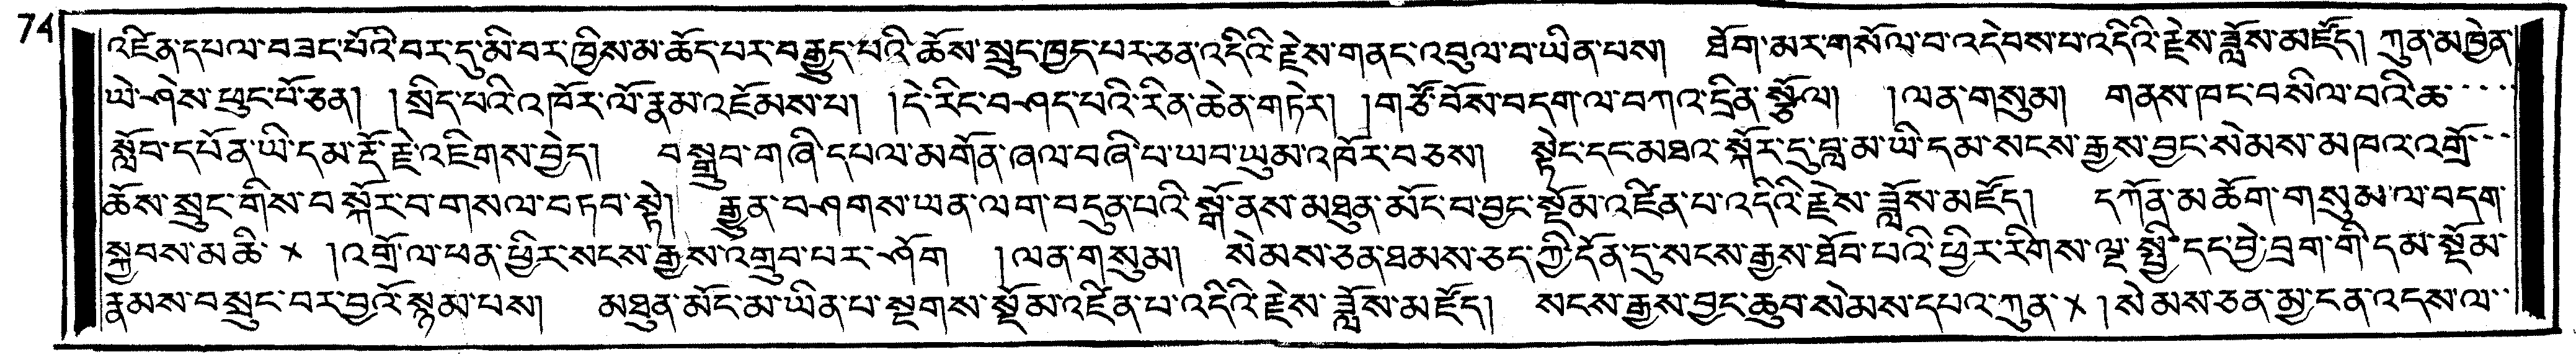འཛིན་དཔལ་བཟང་པོའི་བར་དུ་མི་བར་ཁྱིས་མ་ཆོད་པར་བརྒྱུད་པའི་ཆོས་སྲུང་ཁྱད་པར་ཅན་འདིའི་རྗེས་གནང་འབུལ་བ་ཡིན་པས། ཐོག་མར་གསོལ་བ་འདེབས་པ་འདིའི་རྗེས་ཟློས་མཛོད། ཀུན་མཁྱེན་
ཡེ་ཤེས་ཕུང་པོ་ཅན། །སྲིད་པའི་འཁོར་ལོ་རྣམ་འཇོམས་པ། །དེ་རིང་བཤད་པའི་རིན་ཆེན་གཏེར། །གཙོ་བོས་བདག་ལ་བཀའ་དྲིན་སྩོལ། །ལན་གསུམ། གནས་ཁང་བསིལ་བའི་ཆ་
སློབ་དཔོན་ཡི་དམ་རྡོ་རྗེ་འཇིགས་བྱེད། བསྒྲུབ་གཞི་དཔལ་མགོན་ཞལ་བཞི་པ་ཡབ་ཡུམ་འཁོར་བཅས། སྟེང་དང་མཐའ་སྐོར་དུ་བླ་མ་ཡི་དམ་སངས་རྒྱས་བྱང་སེམས་མཁའ་འགྲོ་
ཆོས་སྲུང་གིས་བསྐོར་བ་གསལ་བཏབ་སྟེ། རྒྱུན་བཤགས་ཡན་ལག་བདུན་པའི་སྒོ་ནས་མཐུན་མོང་བ་བྱང་སྡོམ་འཛིན་པ་འདིའི་རྗེས་ཟློས་མཛོད། དཀོན་མཆོག་གསུམ་ལ་བདག་
སྐྱབས་མཆི་+། འགྲོ་ལ་ཕན་ཕྱིར་སངས་རྒྱས་འགྲུབ་པར་ཤོག །ལན་གསུམ། སེམས་ཅན་ཐམས་ཅད་ཀྱི་དོན་དུ་སངས་རྒྱས་ཐོབ་པའི་ཕྱིར་རིགས་ལྔ་སྤྱི་དང་བྱེ་བྲག་གི་དམ་སྡོམ་
རྣམས་བསྲུང་བར་བྱའོ་སྙམ་པས། མཐུན་མོང་མ་ཡིན་པ་སྔགས་སྡོམ་འཛིན་པ་འདིའི་རྗེས་ཟློས་མཛོད། སངས་རྒྱས་བྱང་ཆུབ་སེམས་དཔའ་ཀུན་+། སེམས་ཅན་མྱ་ངན་འདས་ལ་